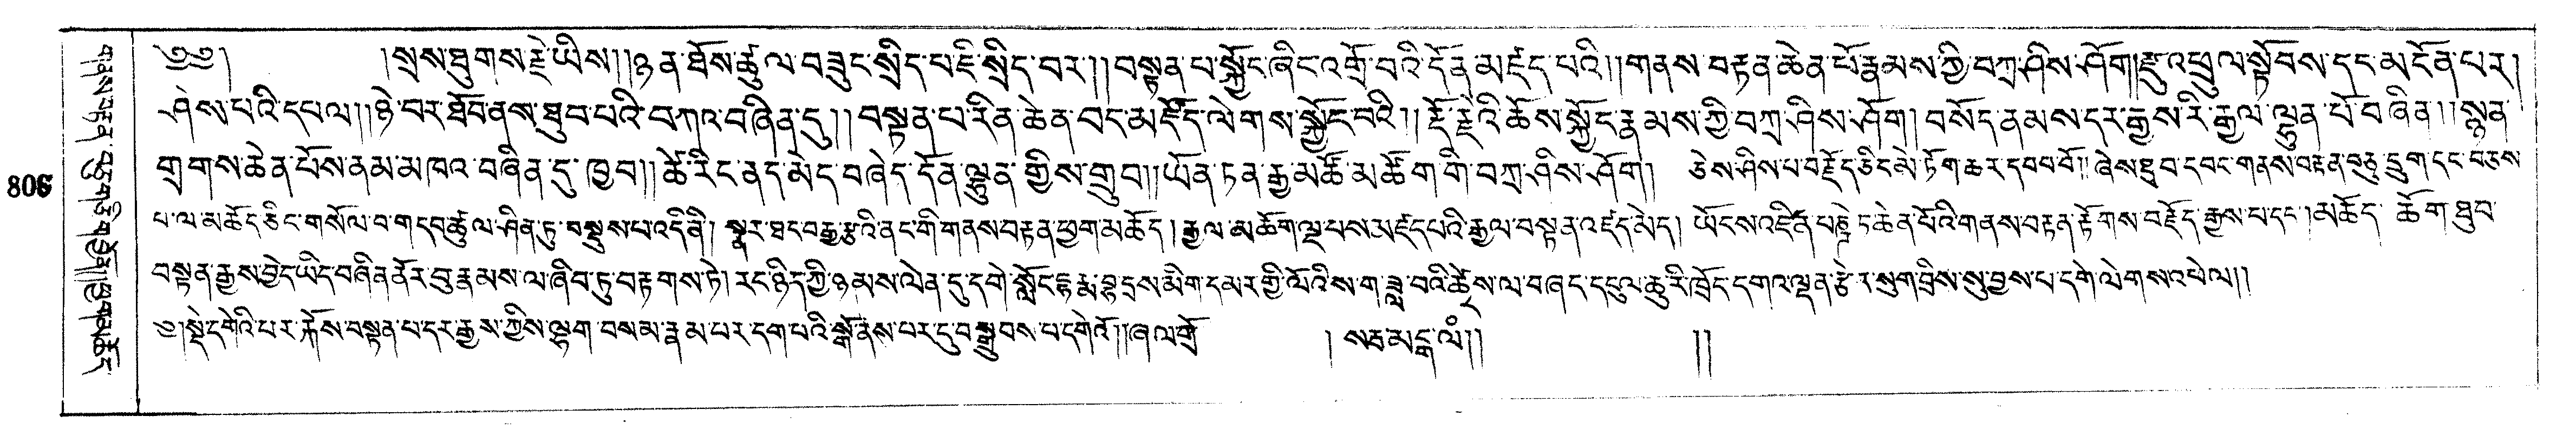༄༅། །སྲས་ཐུགས་རྗེ་ཡིས། །ཉན་ཐོས་ཚུལ་བཟུང་སྲིད་པ་ཇི་སྲིད་བར། །བསྟན་པ་སྐྱོང་ཞིང་འགྲོ་བའི་དོན་མཛད་པའི། །གནས་བརྟན་ཆེན་པོ་རྣམས་ཀྱི་བཀྲ་ཤིས་ཤོག །རྫུ་འཕྲུལ་སྟོབས་དང་མངོན་པར།
ཤེས་པའི་དཔལ། །ཉེ་བར་ཐོབ་ནས་ཐུབ་པའི་བཀའ་བཞིན་དུ། །བསྟན་པ་རིན་ཆེན་བང་མཛོད་ལེགས་སྐྱོང་བའི། །རྡོ་རྗེའི་ཆོས་སྐྱོང་རྣམས་ཀྱི་བཀྲ་ཤིས་ཤོག །བསོད་ནམས་དར་རྒྱས་རི་རྒྱལ་ལྷུན་པོ་བཞིན། །སྙན་
གྲགས་ཆེན་པོས་ནམ་མཁའ་བཞིན་དུ་ཁྱབ། །ཚེ་རིང་ནད་མེད་བཞེད་དོན་ལྷུན་གྱིས་གྲུབ། །ཡོན་ཏན་རྒྱ་མཚོ་མཚོག་གི་བཀྲ་ཤིས་ཤོག། ཅེས་ཤིས་པ་བརྗོད་ཅིང་མེ་ཏོག་ཆར་དབབ་བོ། །ཞེས་ཐུབ་དབང་གནས་བརྟན་བཅུ་དྲུག་དང་བཅས་
པ་ལ་མཆོད་ཅིང་གསོལ་བ་གདབ་ཚུལ་ཤིན་ཏུ་བསྡུས་པ་འདི་ནི། སྣར་ཐད་བརྒྱ་རྩའི་ནང་གི་གནས་བརྟན་ཕྱག་མཆོད། རྒྱལ་མཆོག་ལྔ་པས་མཛད་པའི་རྒྱལ་བསྟན་འཛད་མེད། ཡོངས་འཛིན་པཎྜེ་ཏ་ཆེན་པོའི་གནས་བརྟན་རྟོགས་བརྗོད་རྒྱས་པ་དང་། མཆོད་ཆོག་ཐུབ་
བསྟན་རྒྱས་བྱེད་ཡིད་བཞིན་ནོར་བུ་རྣམས་ལ་ཞིབ་ཏུ་བརྟགས་ཏེ། རང་ཉིད་ཀྱི་ཉམས་ལེན་དུ་དགེ་སློང་དྷརྨ་བྷ་དྲས་མིག་དམར་གྱི་ལོའི་ས་ག་ཟླ་བའི་ཚེས ༨་ལ་བཞད་དངུལ་ཆུ་རི་ཁྲོད་དགའ་ལྡན་རྩེར་སུག་བྲིས་སུ་བྱས་པ་དགེ་ལེགས་འཕེལ།།
༄༅། སྡེ་དགེའི་པར་རྐོས་བསྟན་པ་དར་རྒྱས་ཀྱིས་ལྷག་བསམ་རྣམ་པར་དག་པའི་སྒོ་ནས་པར་དུ་བསྒྲུབས་པ་དགེའོ། །ཞལ་གྲོ་།སརྦ་མངྒ་ལཾ།། །།